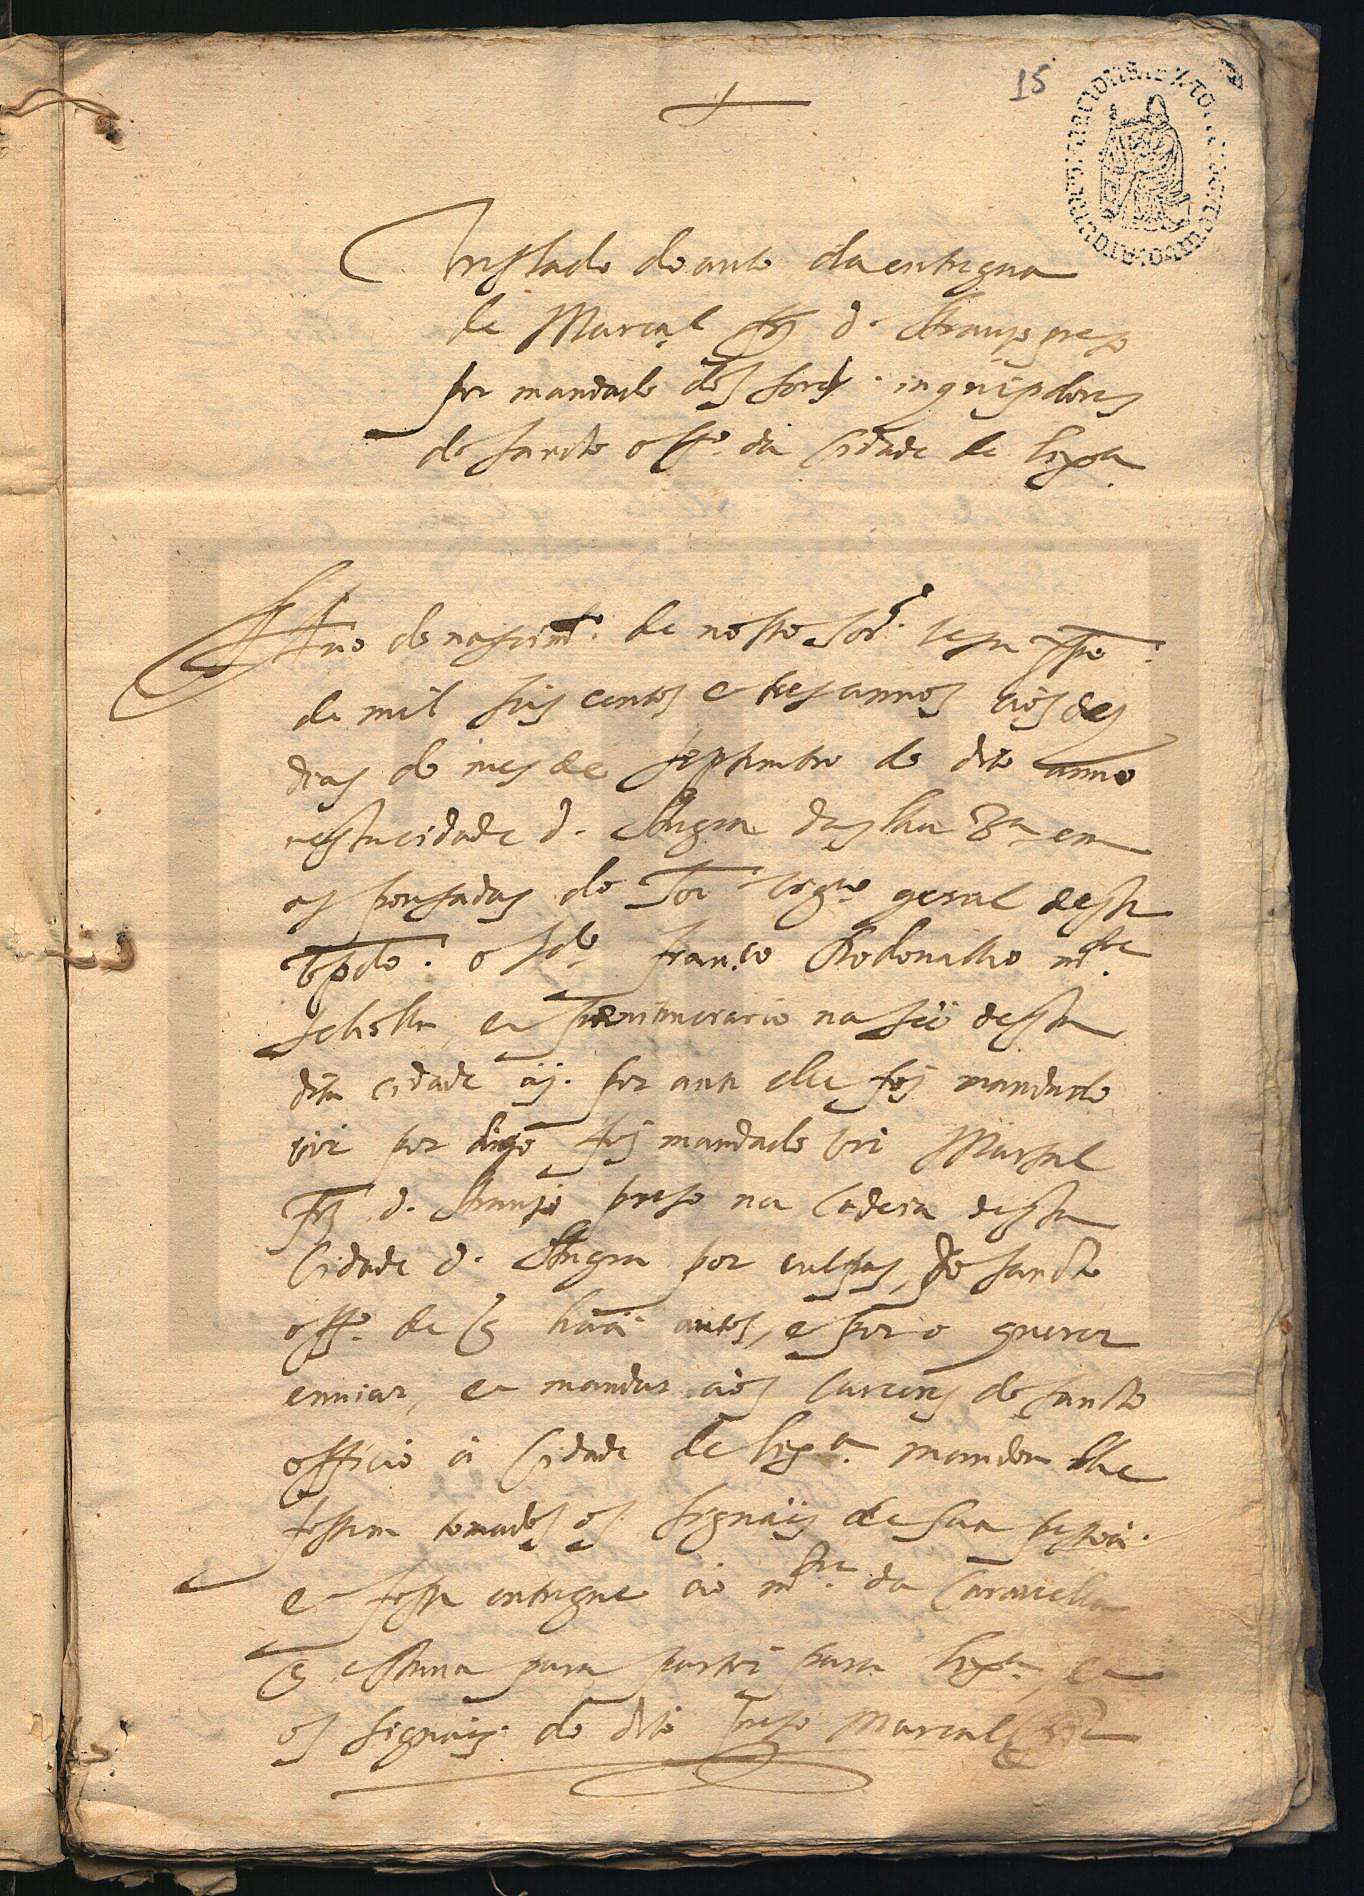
Treslado do auto da entregua
de Marçal fr̄z d Araujo preso
por mandado dos sorēs inquisidores
do santo offo da Cidade de lixa.
Ano do nasimto. de nosso sor̄. Iesu X̄po
de mil seiscentos e tres annos aos dez
dias do mes de septembro do dito anno
nesta cidade d. Angra da jlha 3a em
as pousadas do S̄or Vigr.o geral deste
b̄pdo. o Ldo fran.co Rodoualho m.tre
Scholla e pœnitenciario na seé desta
dita cidade aj perante elle foj mandado
vir por digo foj mandado vir Marsal
F̄rz, d. Araujo preso na Cadeia desta
Cidade d. Angra por culpas, do sancto
off.o de q̄ hāa autos, e por o querer
enuiar, e mandar aos Carceres do sancto
officio à Cidade de lix.a mandou lhe
fossem tomados os signais de sua pessoa
e fosse entregue ao mtr.e da Carauella
q̄ estaua para partir para lixa, e
os signais do dito preso marçal f̄rz
